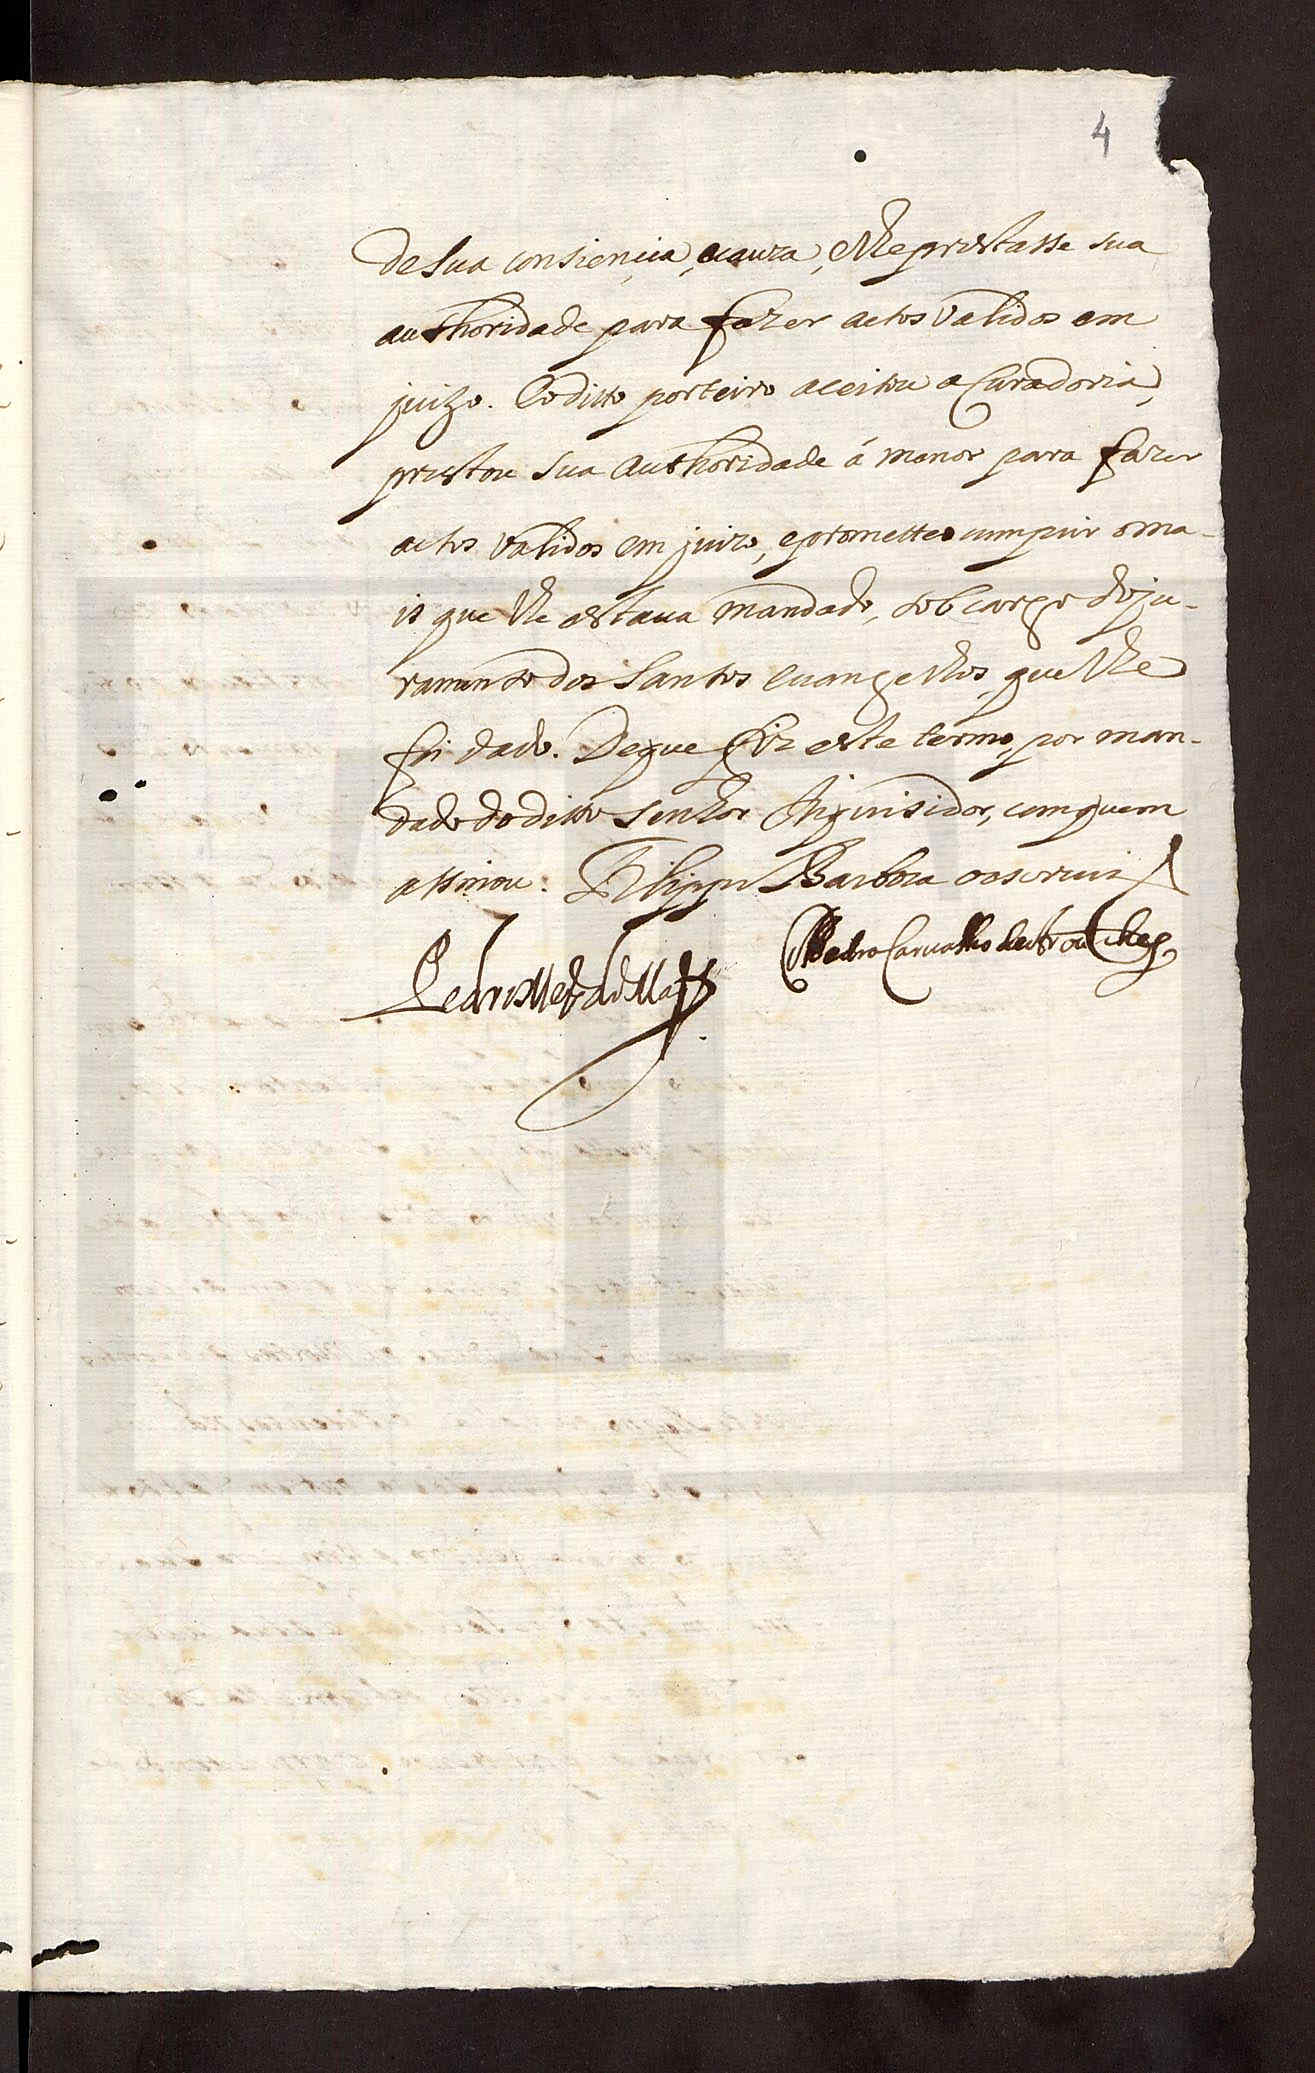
de Sua consiencia, a cauza, e lhe prestasse sua
authoridade para fazer actos validos em
juizo. E o ditto porteiro aceitou a Curadoria,
prestou sua authoridade á menor para fazer
actos validos em juizo, e prometteo cumprir o ma
is que lhe estaua mandado, Sob Cargo do ju
ramento dos Santos Euangelhos, que lhe
foi dado. De que fiz este termo, por man
dado do ditto Senhor Inquisidor, com quem
assinou: Filippe Barboza o escreui
Pedro Mexa de Mag.es
Pedro Carualho de Arouche
